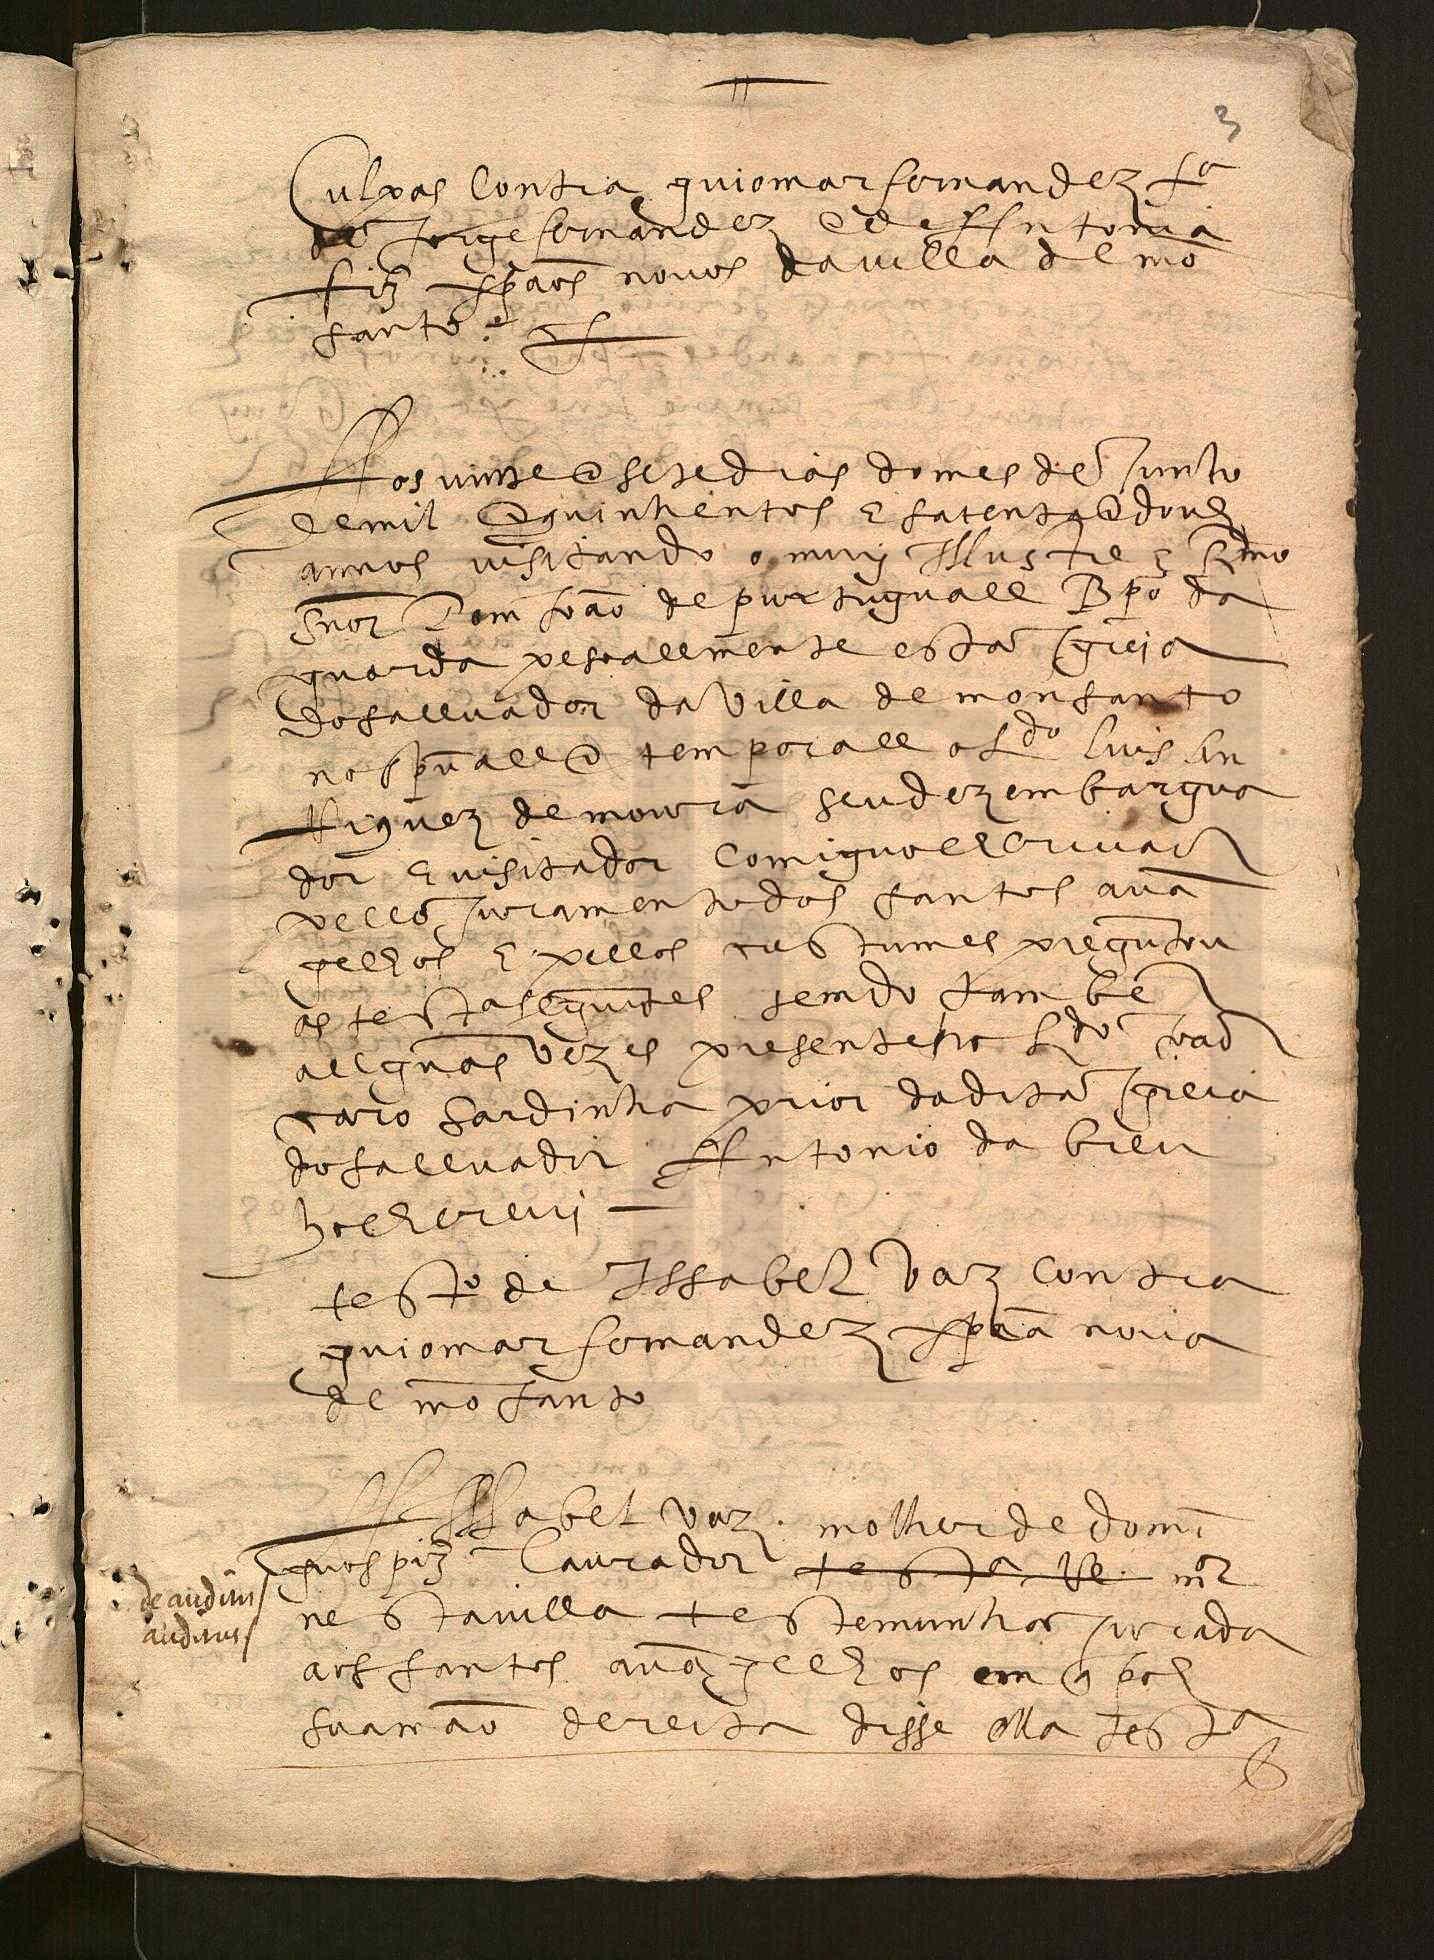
Culpas contra guiomar fernandez fa
de Jorge fernandez e de Antonia
frz̅ xpãos nouos da uilla de mo̅
santo.
Aos uinte e sete dias do mes de Junho
de mil e quinhentos E satenta e dous
annos uisitando o muy Jllustre e R̅mo
S̅nor Dom João de purtuguall Bp̅o da
guarda pesoallmente esta Jgreja
do salluador da Villa de monsanto
na sp̅uall e temporall o Ldo Luis an
Riquez de moura seu dezembargua
dor E uisitador comiguo escriuaõ
pello Juramento dos santos au̅a
gelhos E pellos custumes preg̅utou
as testa seg̅uites semdo tambe̅
allgu̅as vezes presente ho Ldo João
caro sardinha prior da dita Jgreia
do salluador Antonio dabreu
ho escreuj -
testo de Jssabel vaz contra
guiomar fernandez xpa̅a noua
de m̅osanto
A JssabeL vaz. molher de domi̅
guos piz̅ laurador _ mor
nesta uilla testemunha jurada
aos santos au̅angelhos em q̅ pos
sua mão dereita disse ella testa
